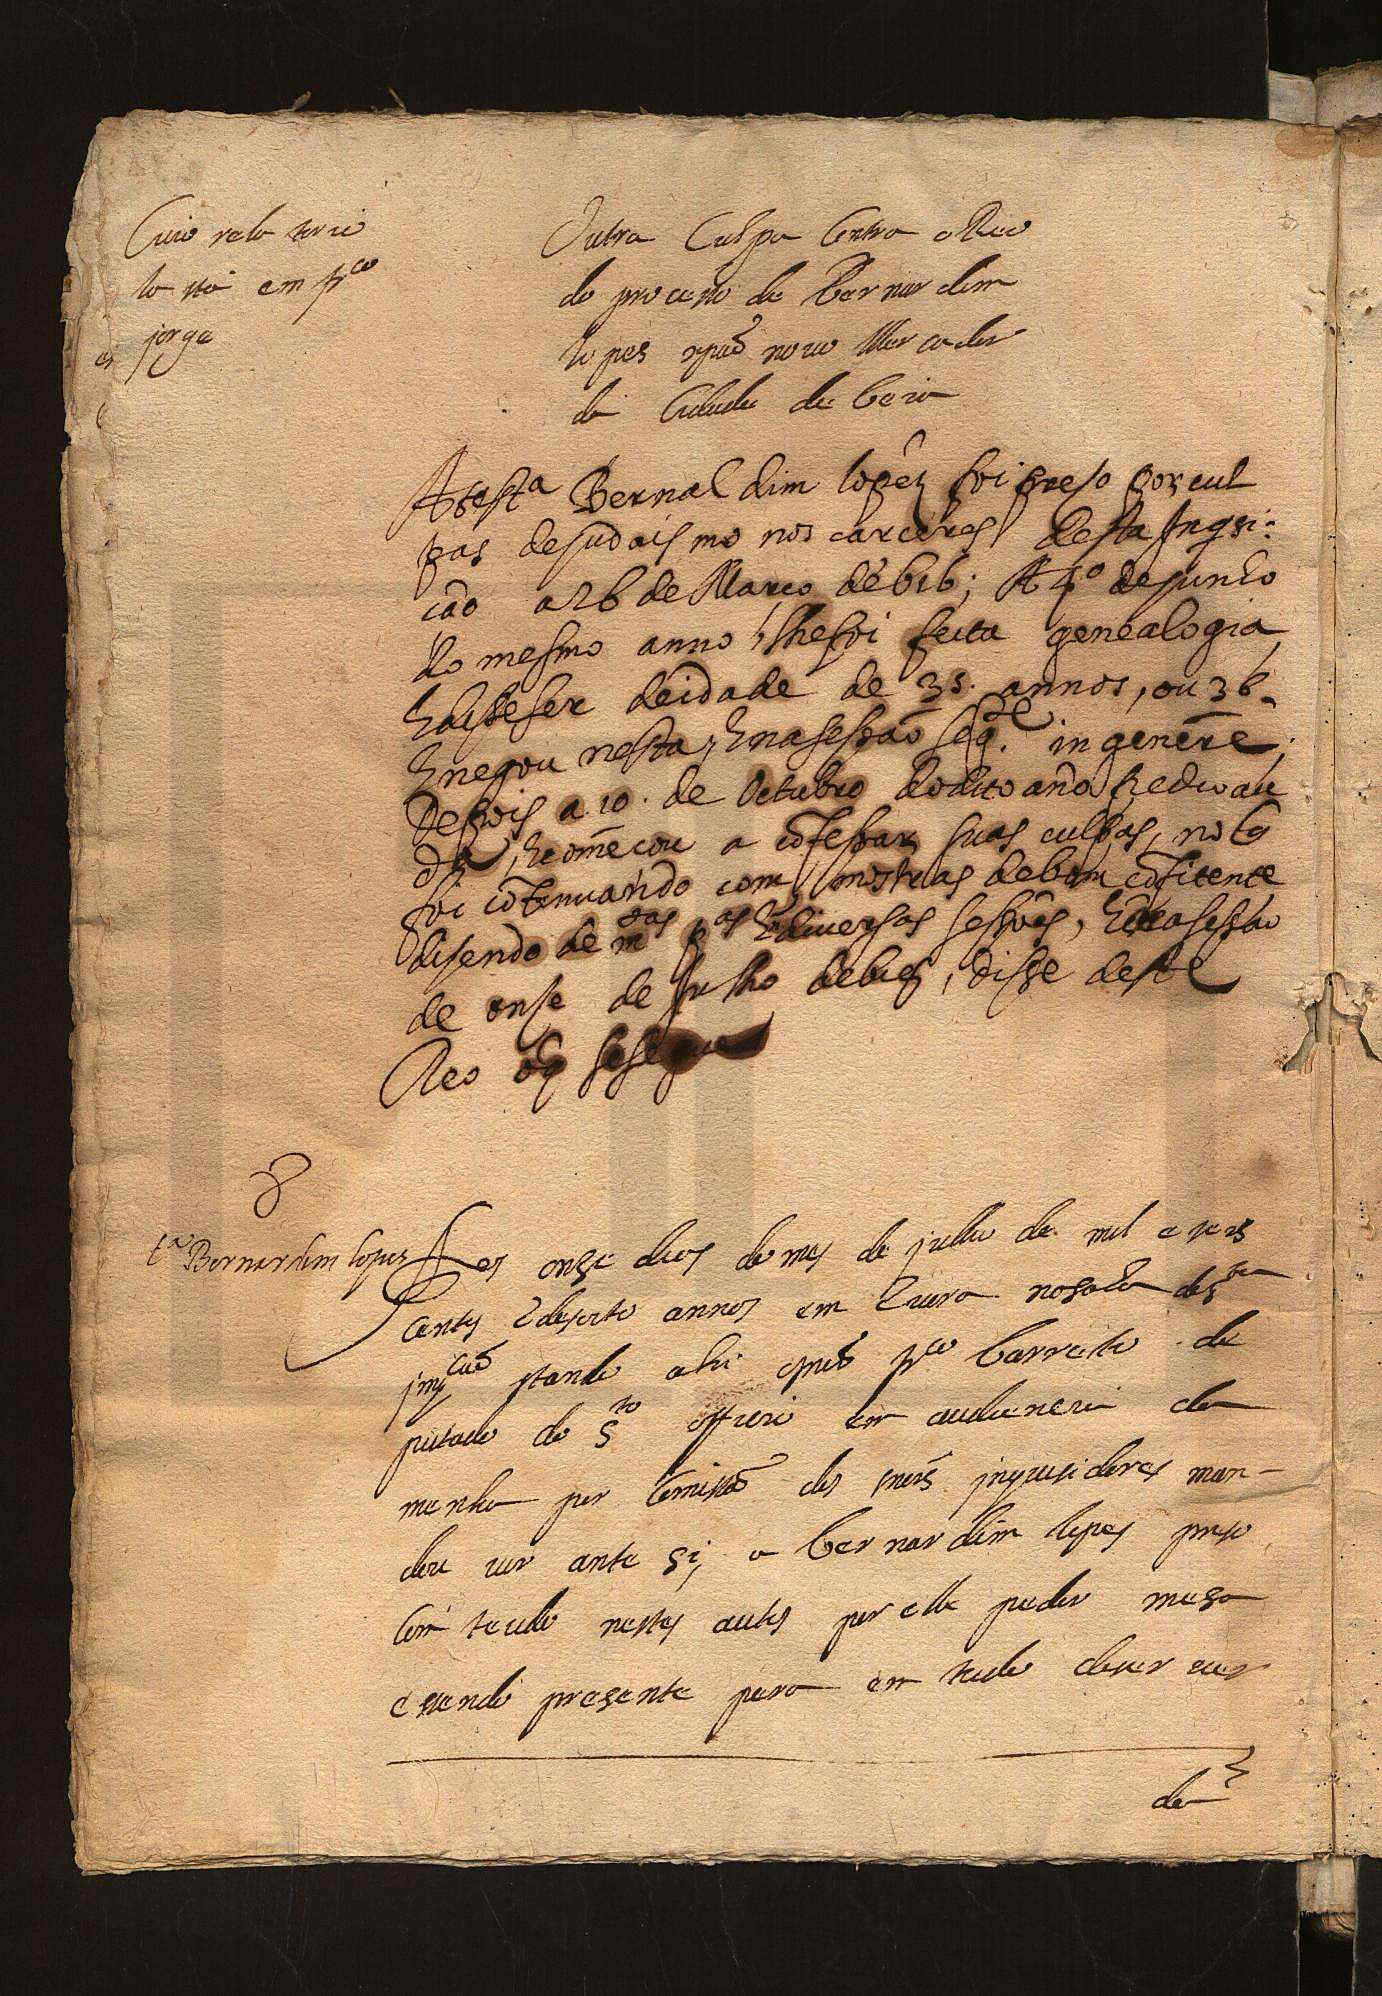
Cuio relatorio
la sta em fr.co
jorge
Outra Culpa Contra o Reo
do processo de Bernardim
lopes xpaõ nouo Mercador
da Cidade de beia
A testa Bernaldim lopēz foi preso por cul
pas de judaismo nos carceres desta jnꝗsi
ção a 16 de Março de 616; A 4o de junho
do mesmo anno, lhe foi feita genealogia
E disse ser de idade de 35 annos, ou 36
E negou nesta E na sessão seg.te in genere
depois a 10 de Octubro do dito an̄o pedio au
da, E começou a cōfessar suas culpas, no q̄
foi cōtinuando com mostras de bom cōfitente
disendo de mtas pas En diuersas sessoẽs, E ē a sessão
de onze de julho de 618, disse deste
Reo o q̄ se segue
ta Bernardim lopes
Aos onze dias do mes de julho de mil e seis
centos e desoito annos em Euora na sala da sta
jmqçaõ stando ahi o snor̄ frco barreto de
putado do sto officio em audiencia da
menha por Comissão dos snors̄ jnquisidores man
dou uir ante si, a bernardim lopes preso
Comteudo nestes autos por elle pedir mesa
e ssendo presente pera em tudo diser uer
da
